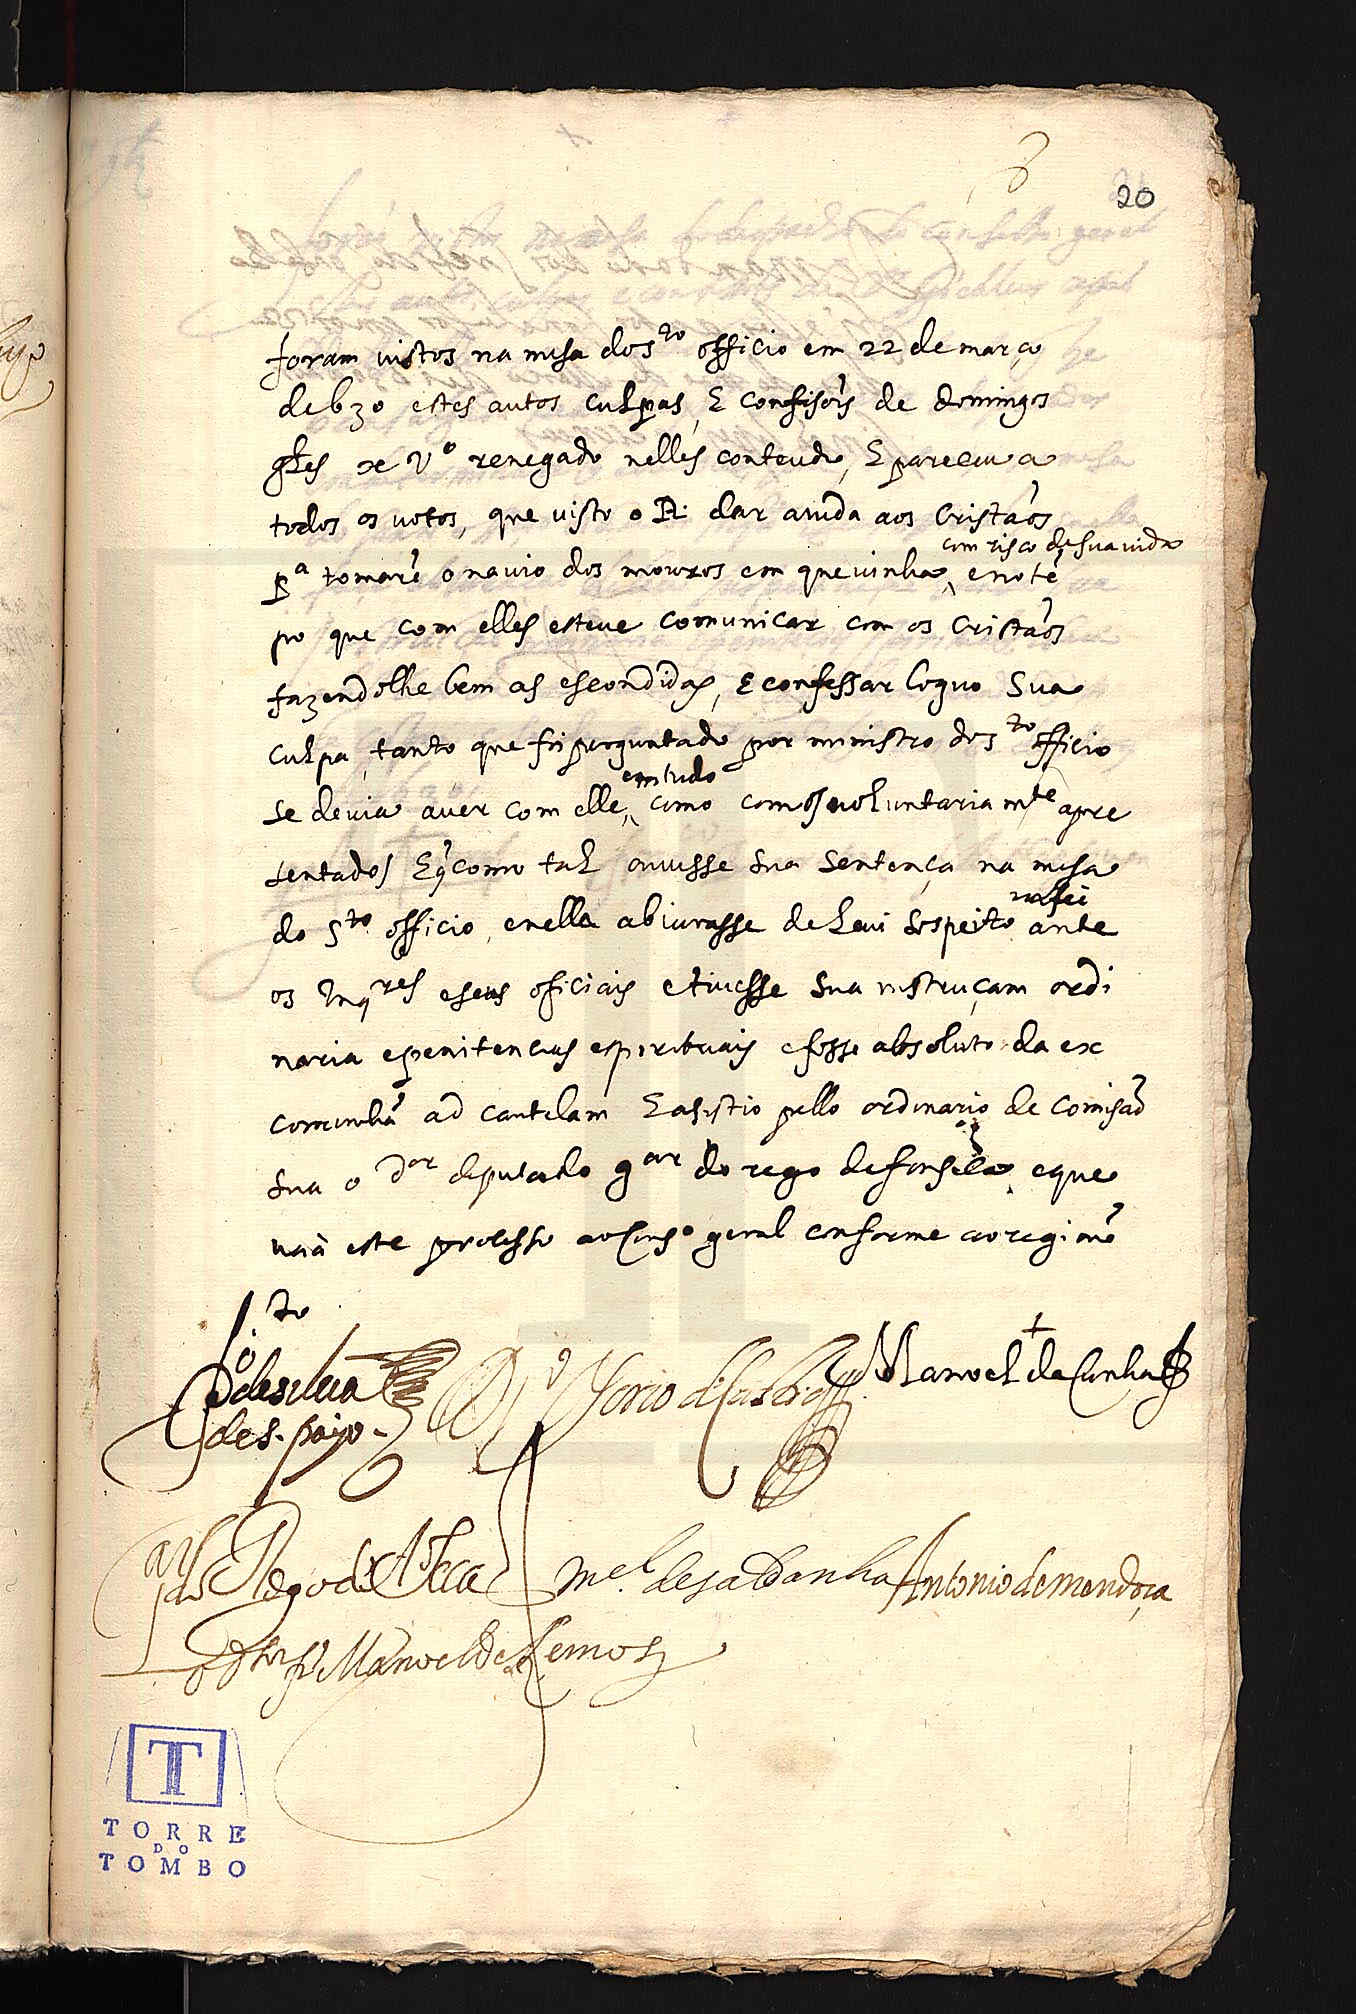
foram uistos na mesa do sto officio em 22 de março
de 630 estes autos culpas, E confisoĩs de domingos
gl̄es xvo renegado nelles conteudo, E pareceu a
todos os uotos, que uisto o R. dar aiuda aos cristaõs
com risco de sua uida
pa tomarē o nauio dos mouros em que uinha e no tē
po que com elles esteue comunicar com os cristaõs
fazendolhe bem as escondidas, E confessar loguo sua
culpa tanto que foi perguntado por ministro do sto officio
em tudo
se deuia auer com elle como com os uoluntariam.te apre
sentados E q̄ como tal ouuisse sua sentença na mesa
na feé
do s.to officio, e nella abiurasse de Leui sospeito ante
os Inqres e seus oficiais e tiuesse sua instruçam ordi
naria e penitencias espirituais e fosse absoluto da ex
cominhā ad cautelam E asistio pello ordinario de comisaõ
sua o dor deputado gar do rego de fonseca, e que
uaà este processo ao Conso geral conforme ao regimē
to
Po de silua
de s. payo.
Dio Osorio de Castro
Manoel da Cunha
M.el de saldanha
Antonio de mendoça
o dtor fr̄ Manoel de Lemos
